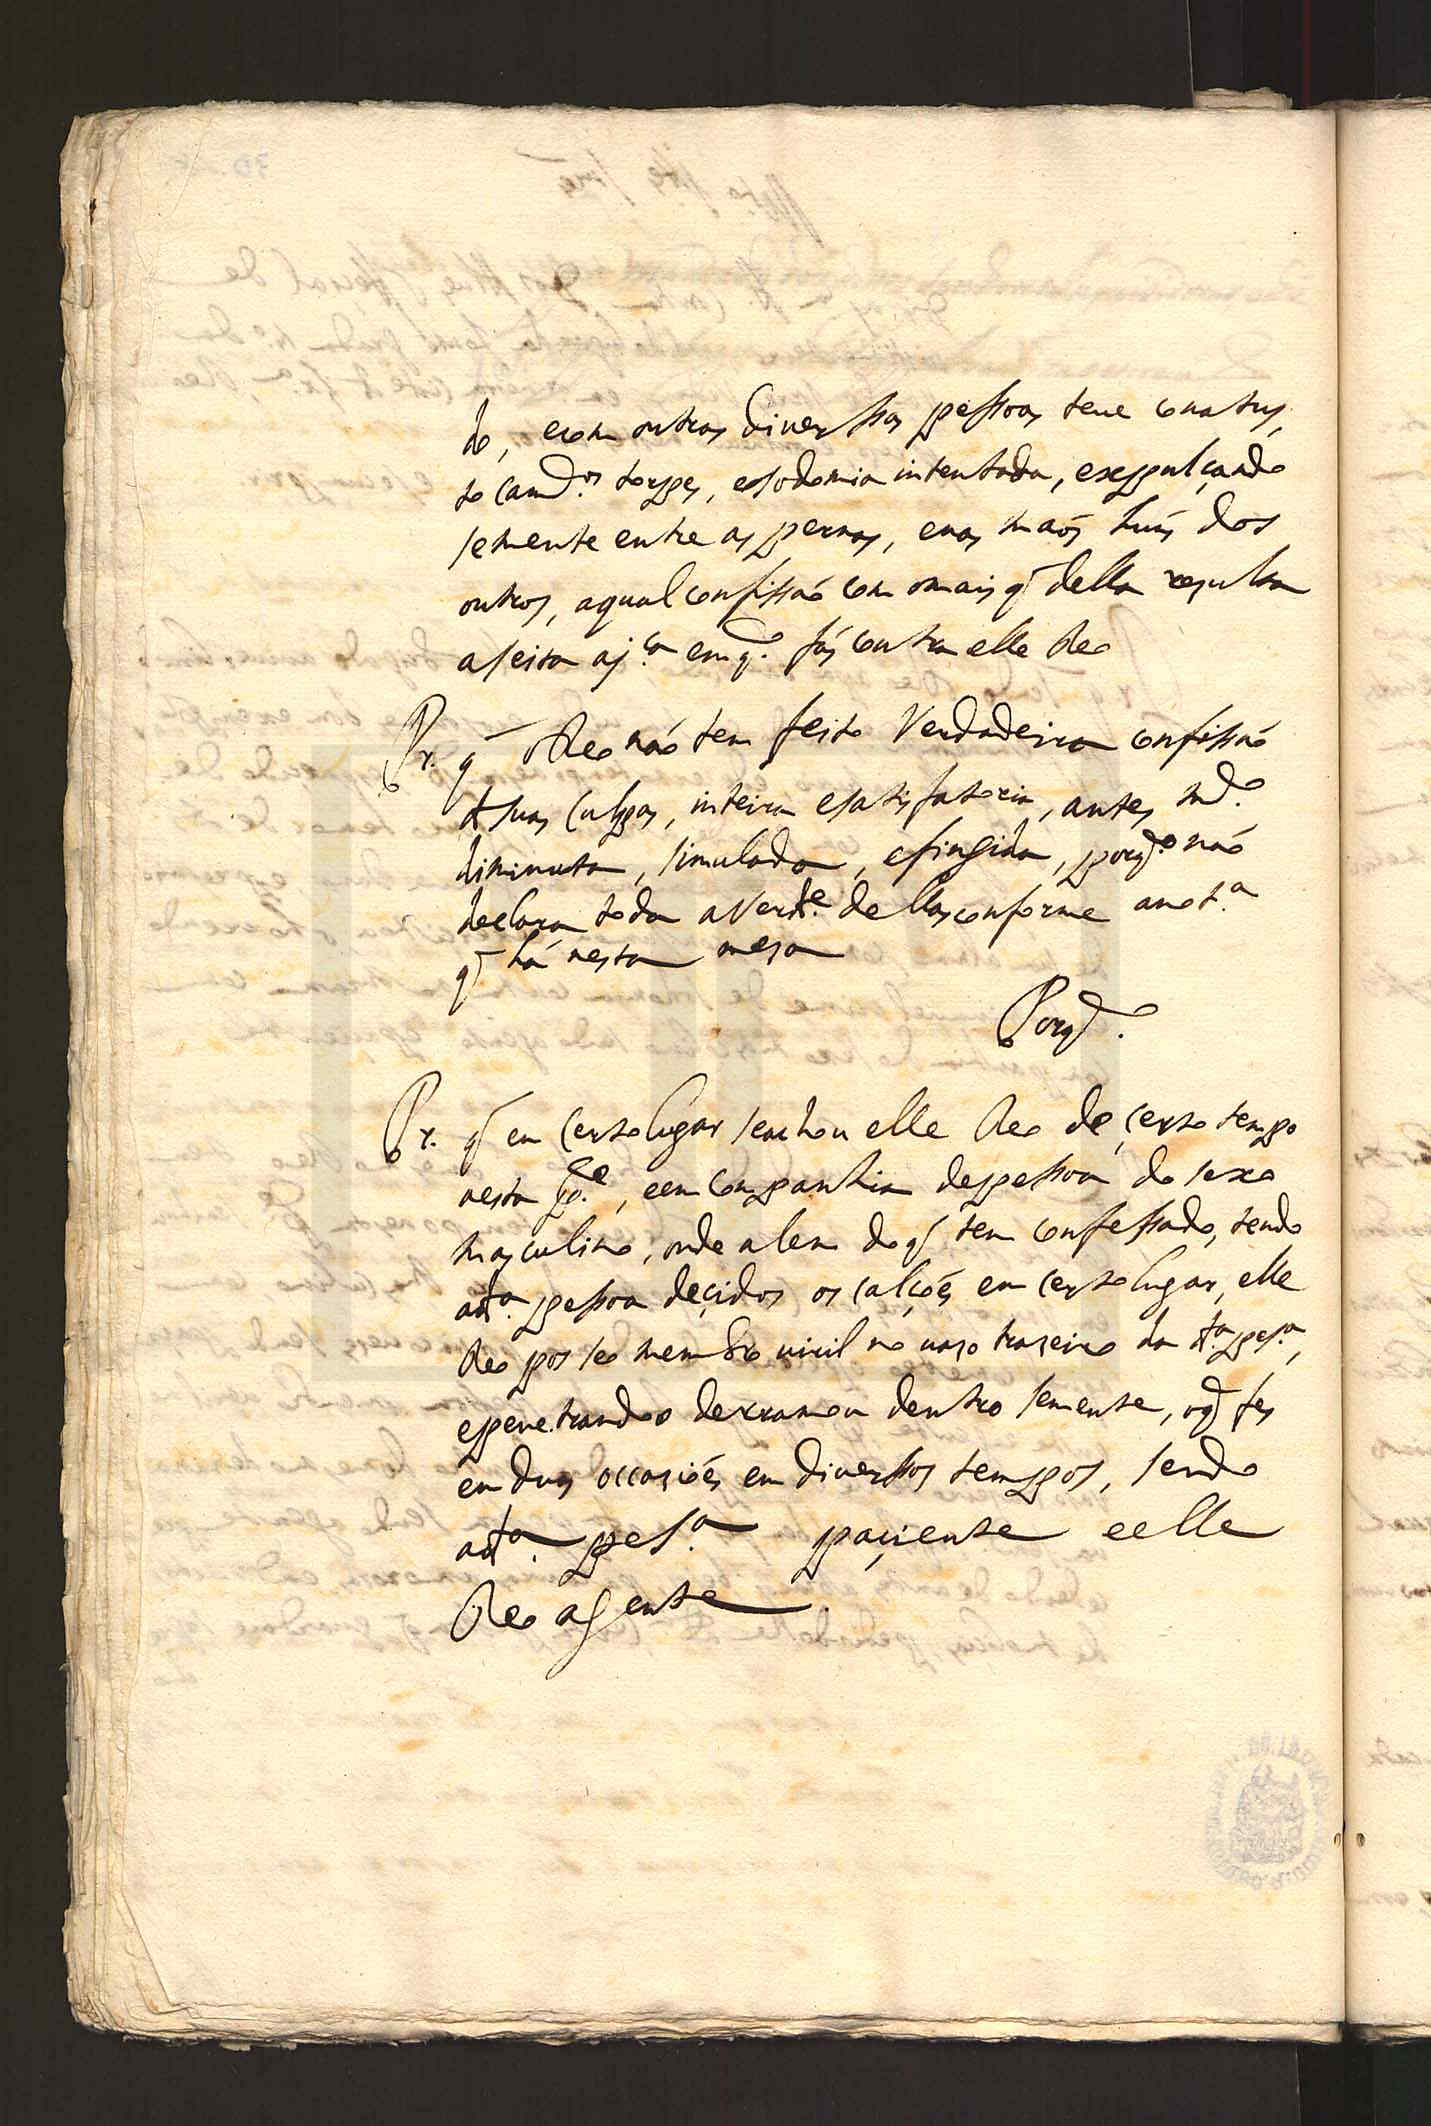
do, e com outras diuerssas pessoas teue conatus,
tocamt.os torpes, e sodomia intentada, expulçando
semente entre as pernas, e nas maõs huns̄ dos
outros, a qual confissaõ com mais q̄ della rezulta
aseita a j.ca emq̄to fás contra elle Reo
Pr. q̄ o Reo naõ tem feito Verdadeira confissaõ
d̄ suas Culpas inteira e satisfatoria, antes m.to
diminuta, simulada, e fingida, porq.to naõ
declara toda a verd.e dellas conforme a not.a
q̄ há nesta mesa
Porq.o.
Pr. q̄ em Certo lugar se achou elle Reo de çerto tempo
a esta p.te, e em companhia de pessoa do sexo
masculino, onde alem do q̄ tem confessado, tendo
a d̄a. pessoa deçidos os calçoẽs en certo lugar, elle
Reo pos seo membro uiril no uazo trazeiro da d̄a pes.a,
e penetrando o derramou dentro semente, o q̄ fes
em duas occazioẽs em diuerssos tempos, sendo
a d̄a. pes.a paçiente e elle
Reo agente
